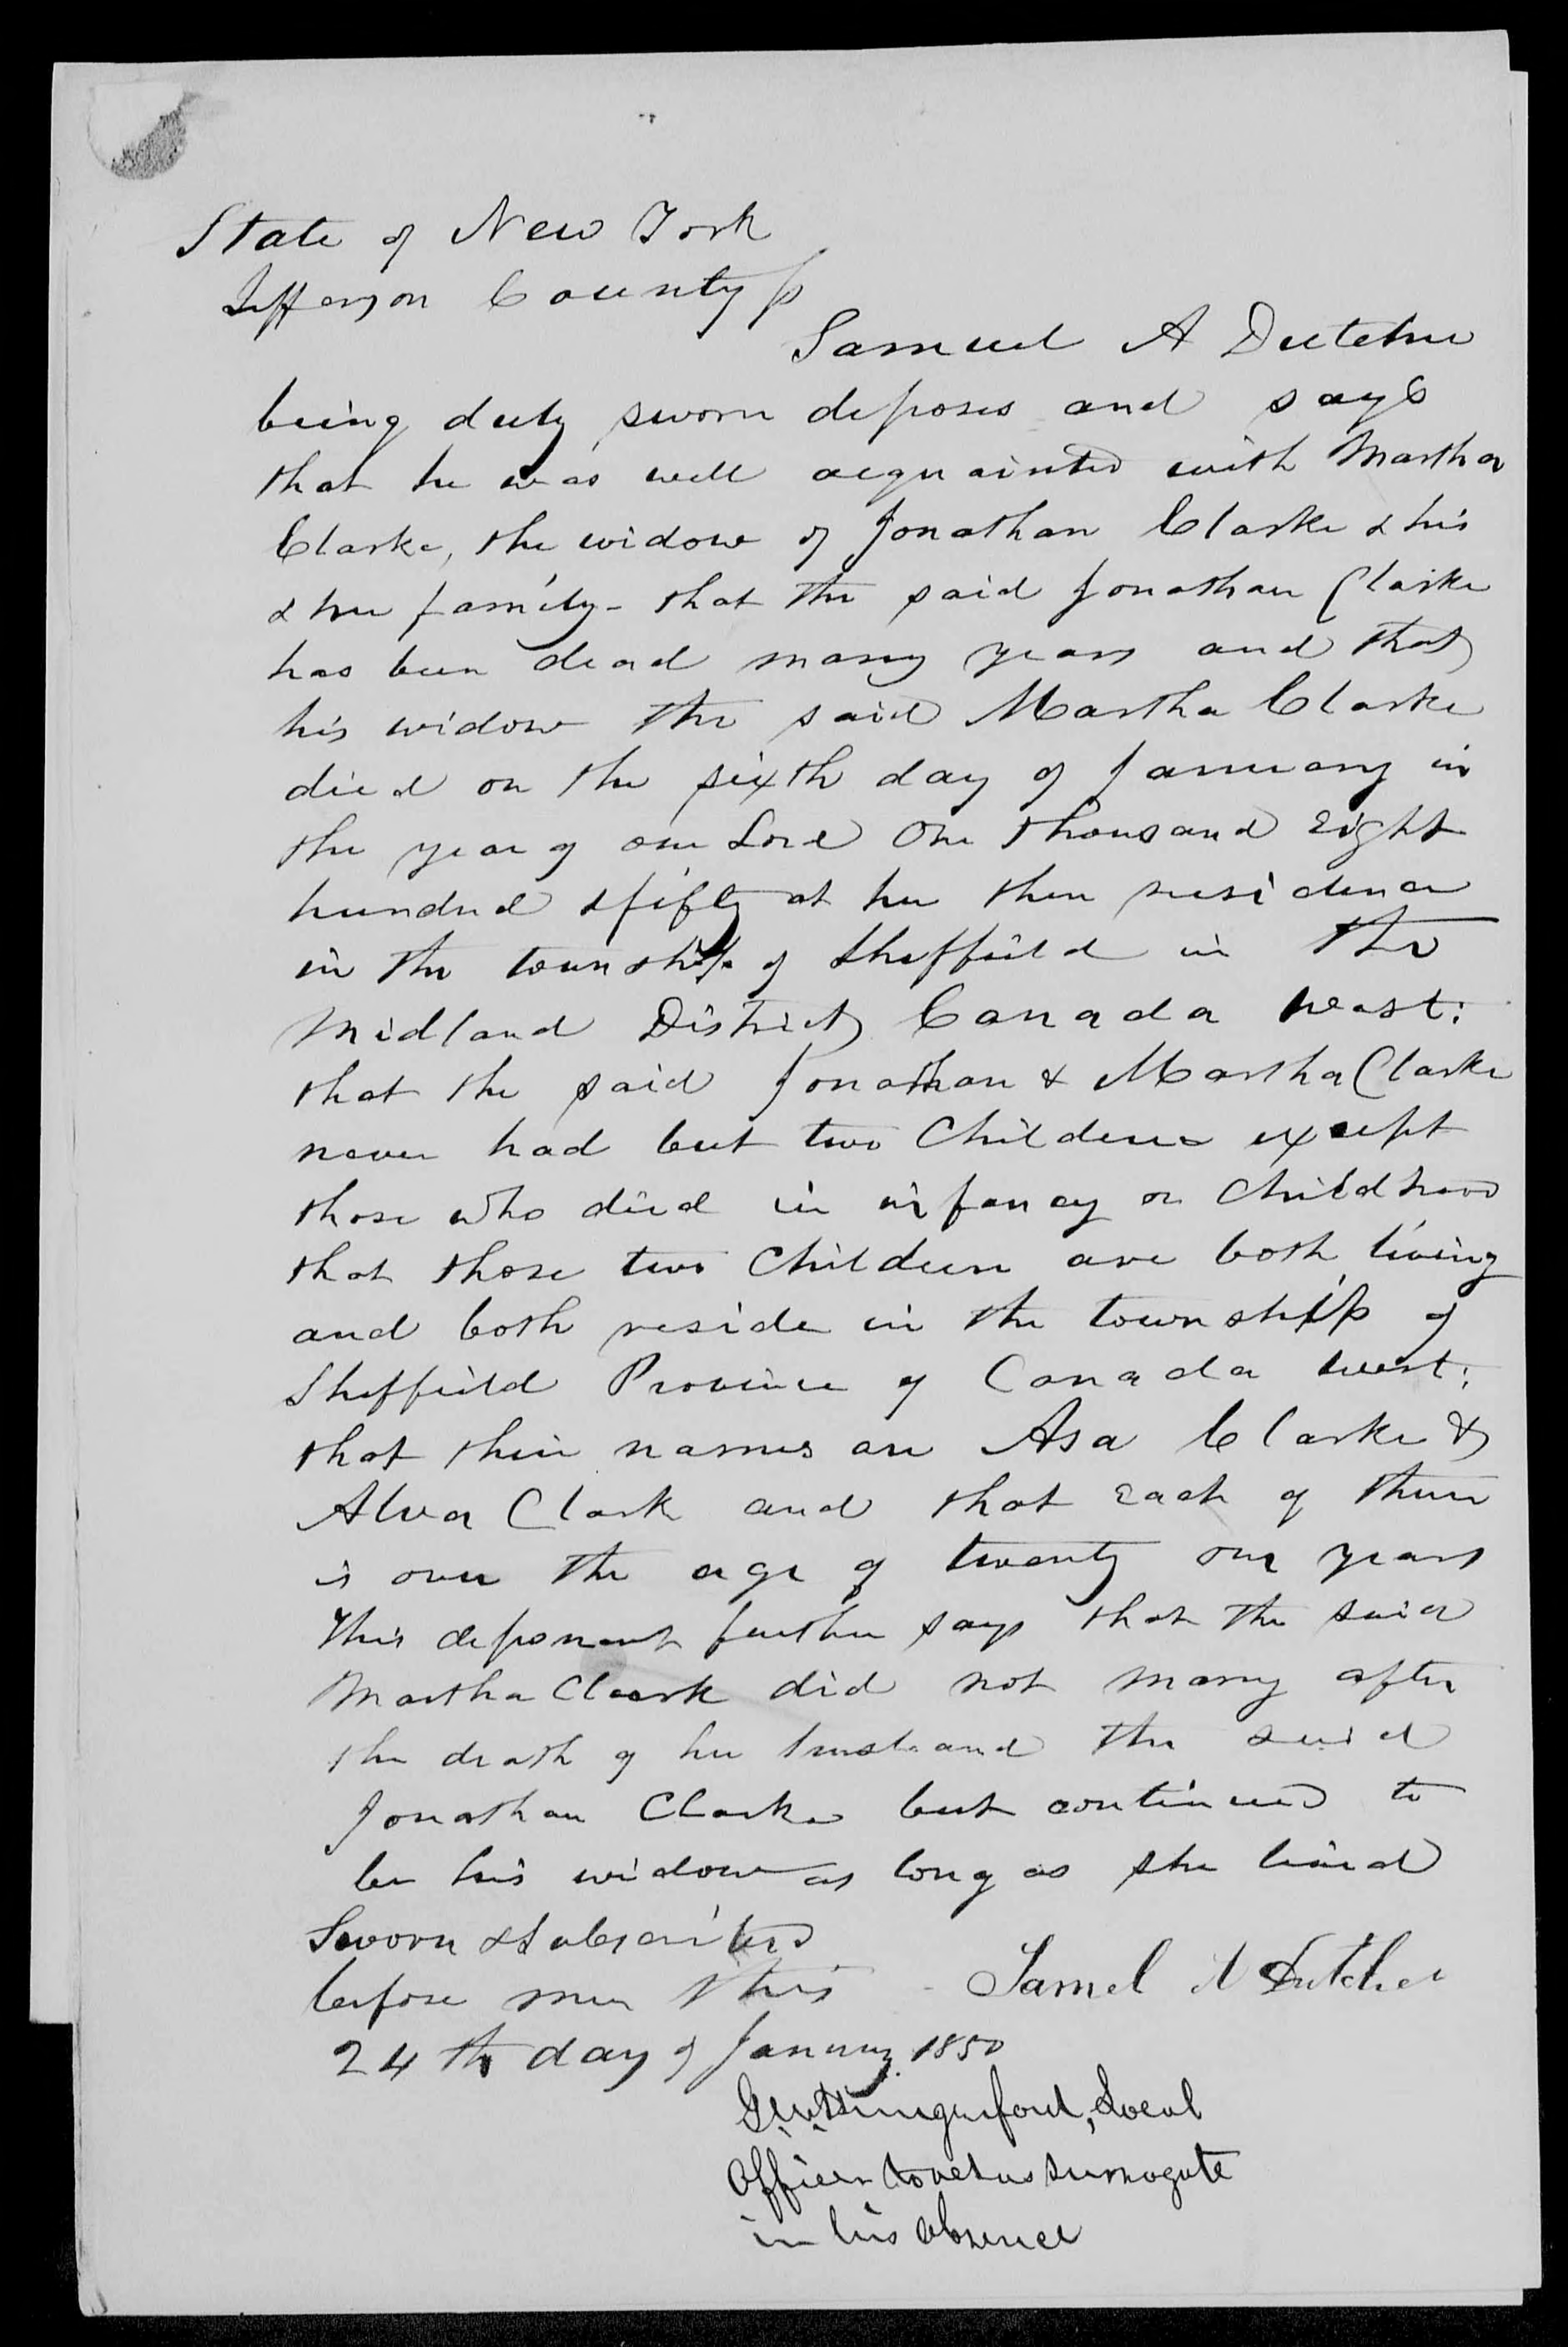State of New York
Jefferson County Ss
  Samuel A Dutcher being duly sworn deposes and says that he was well acquainted with Martha Clarke, the widow of Jonathan Clarke & his & her family.  that the said Jonathan Clarke has been dead many years and that his widow the said Martha Clarke died on the sixth day of January in the year of our Lord One Thousand Eight hundred & fifty at her then residence in the township of Sheffield in the Midland District Canada West that the said Jonathan & Martha Clarke never had but two children except those who died in infancy or childhood that those two children are both living and both reside in the township of Sheffield Province of Canada West: that their names are Asa Clark & Alva Clark and that each of them is over the age of twenty one years  This deponent further says that the said Martha Clark did not marry after the death of her husband the said Jonathan Clarke but continued to be his widow as long as she lived
Samuel A Dutcher
Sworn & Subscribed
before me this
24th day of January 1850
GW Hungerford, Local
Officer to act as Surrogate
in his absence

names: G W Hungerford, Alva Clark, Asa Clarke, Jonathan Clarke, Martha Clarke, Martha Clarke, Martha Clark, Jonathan Clarke, Jonathan Clarke, Jonathan Clarke, Martha Clarke, Samel A Dutcher, Samuel A Dutcher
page: 14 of 26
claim: rejected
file: R. 2001, Jonathan Clark, Conn.